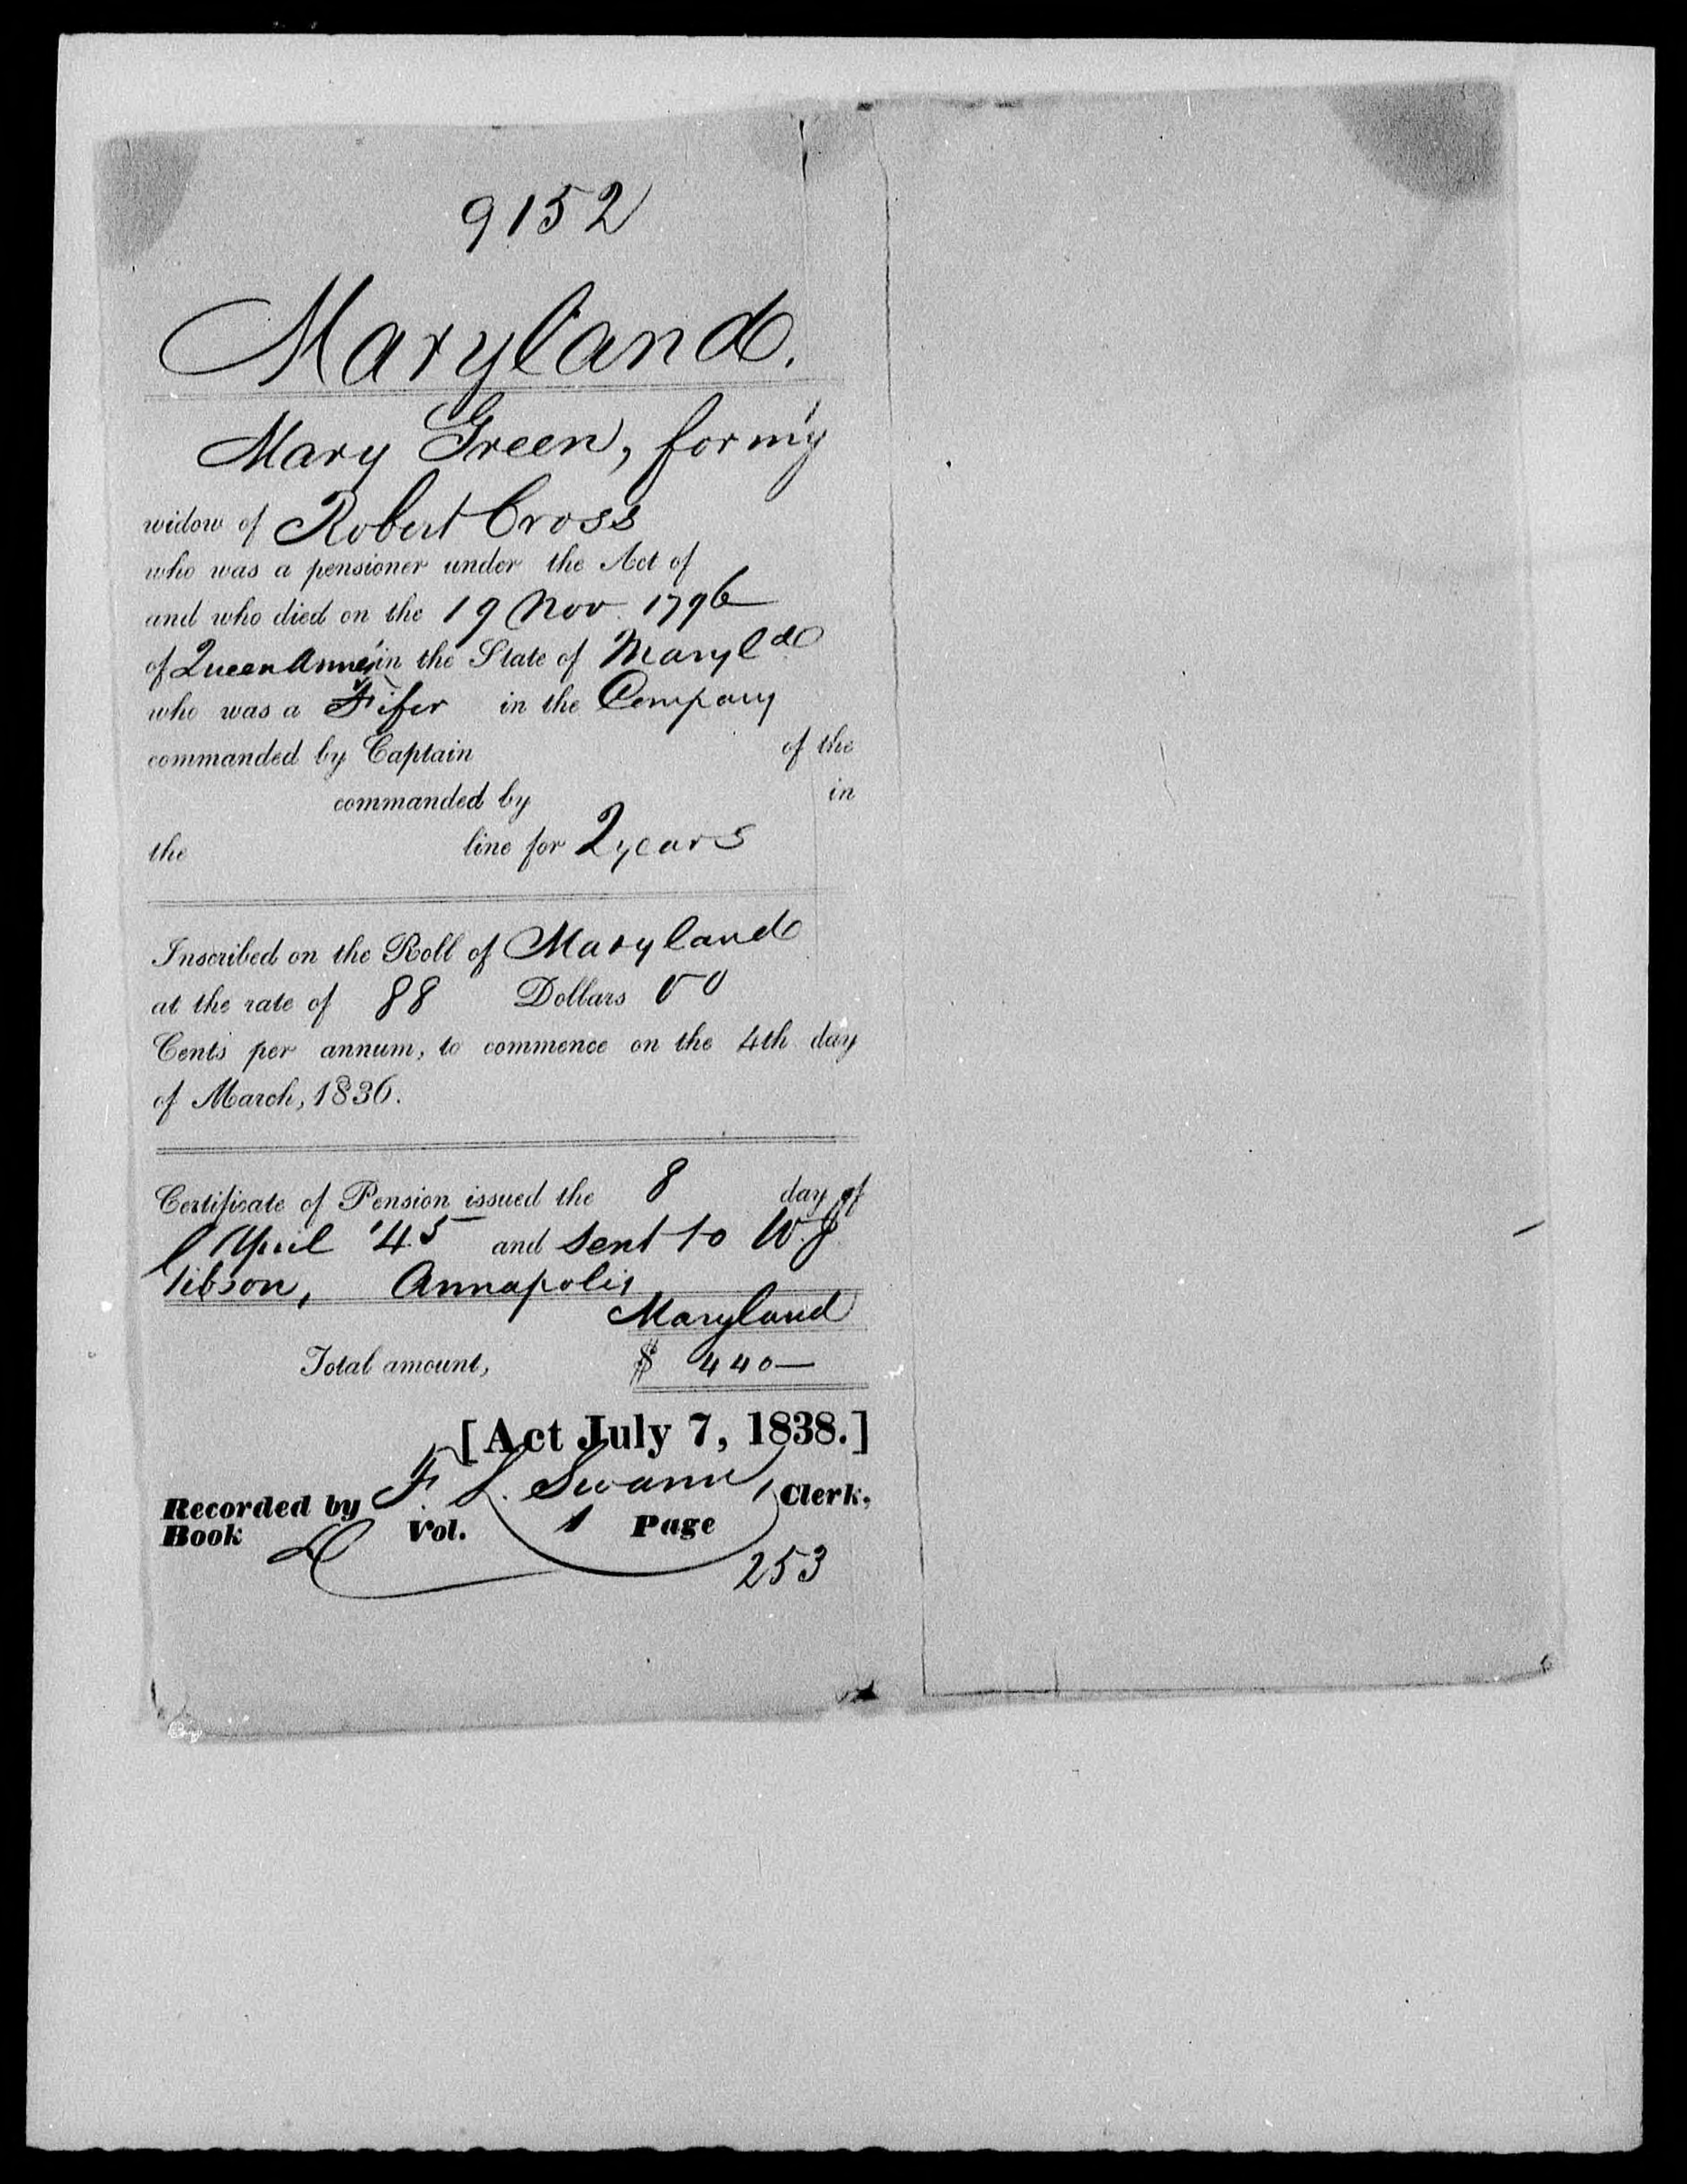9152
Maryland
Mary Green, formly
widow of Robert Cross
who was a pensioner under the Act of
and who died on the 19 Nov. 1796
of Queen Anne's in the State of Maryland
who was a Fifer in the Company
commanded by Captain [blank] of the
[blank] commanded by [blank] in
the [blank] line for 2 years

Inscribed on the Roll of Maryland
at the rate of 88 Dollars 00
Cents per annum, to commence on the 4th day
of March, 1836.

Certificate of Pension issued the 8 day of
April '45 and sent to W.J. Gibson, Annapolis
Maryland
Total amount $ 44 0-

[Act July 7, 1838.]
Recorded by F.L. Swann, clerk,
Book [illegible] Vol. 1 Page 253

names: Robert Cross, Mary Green, F L Swann, W J Gibson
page: 12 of 26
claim: widow's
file: W 25651, Robert Cross, Md.